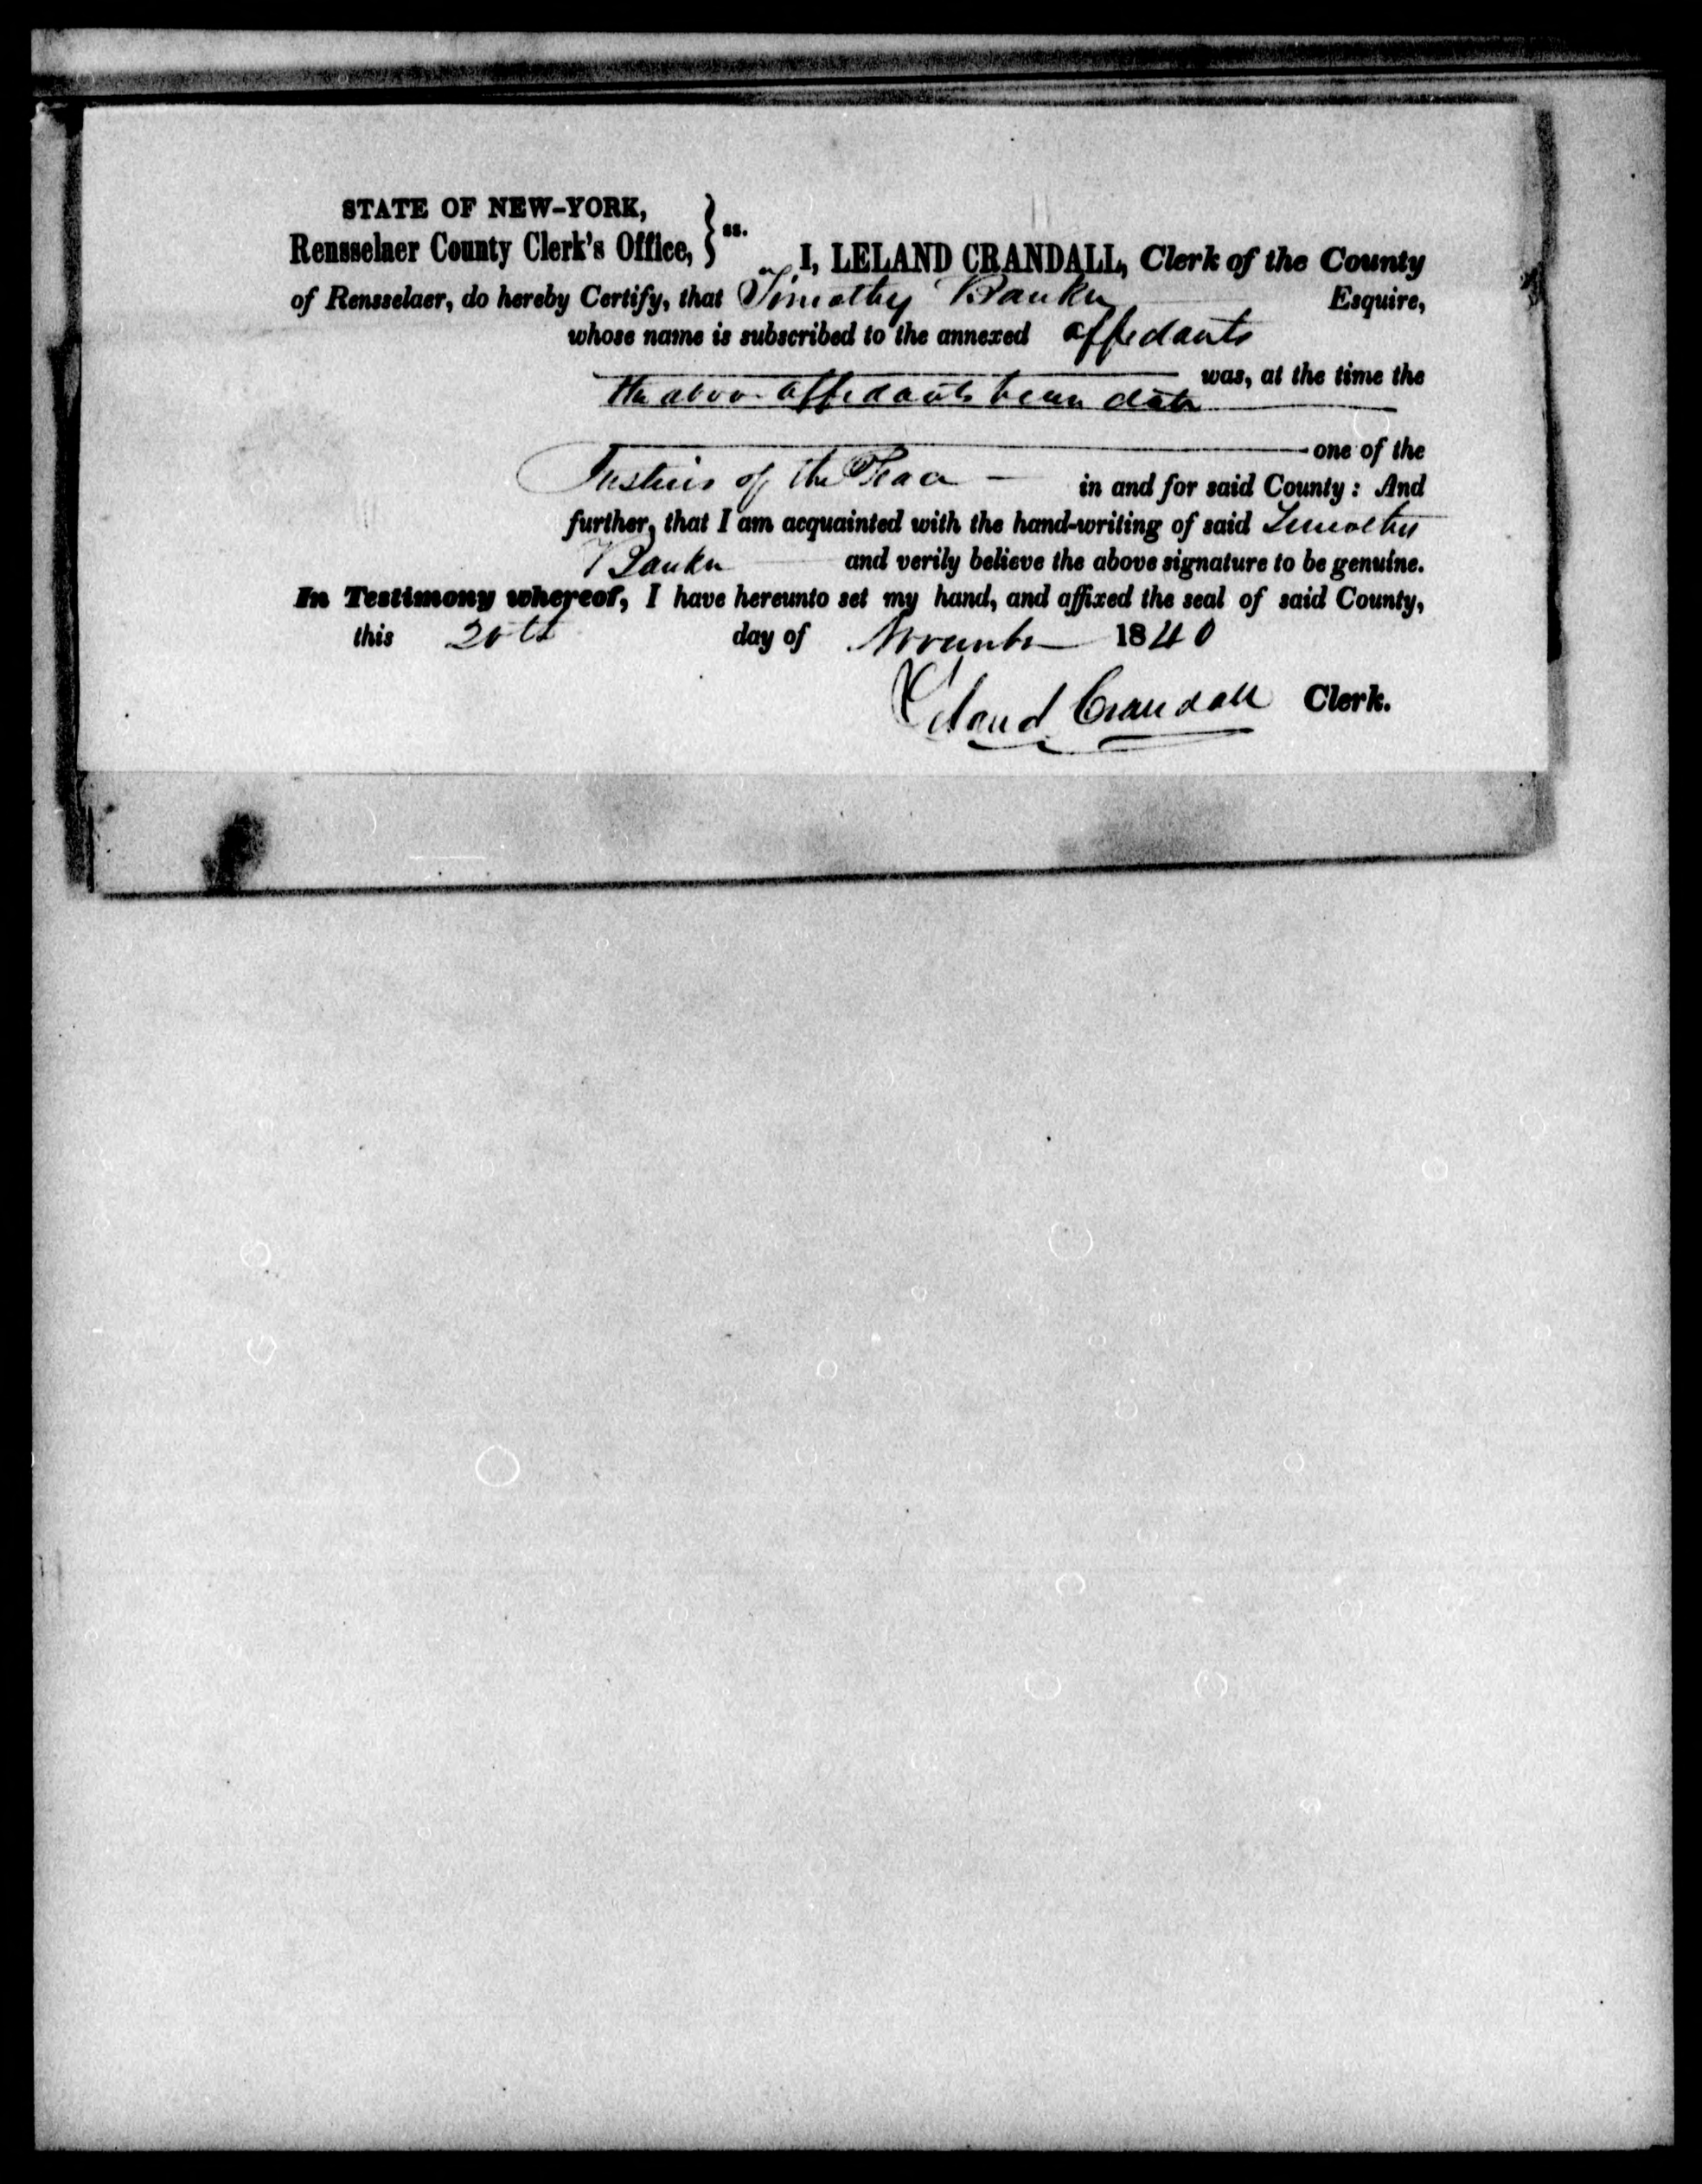STATE OF NEW-YORK, 
Rensselaer County Clerk's Office, } ss.  I, LELAND CRANDALL, Clerk of the County of Rensselaer, do hereby certify, that Timothy Banker Esquire whose name is subscribed to the annexed affidavits, --- the above affidavits bear date  was, at the time the Justice of the Peace one of the in and for said County: And further, that I am acquainted with the hand-writing of said Timothy Banker and verily believe the above signature to be genuine. 
In Testimony whereof, I have hereunto set my hand, and affixed the seal of said County, this 20th day of November 1840 
[signed] Leland Crandall  Clerk.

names: Timothy Banker, Leland Crandall, Timothy Banker, Leland Crandall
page: 79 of 102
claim: widow's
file: W. 18239, Isaac Van Wart, New York